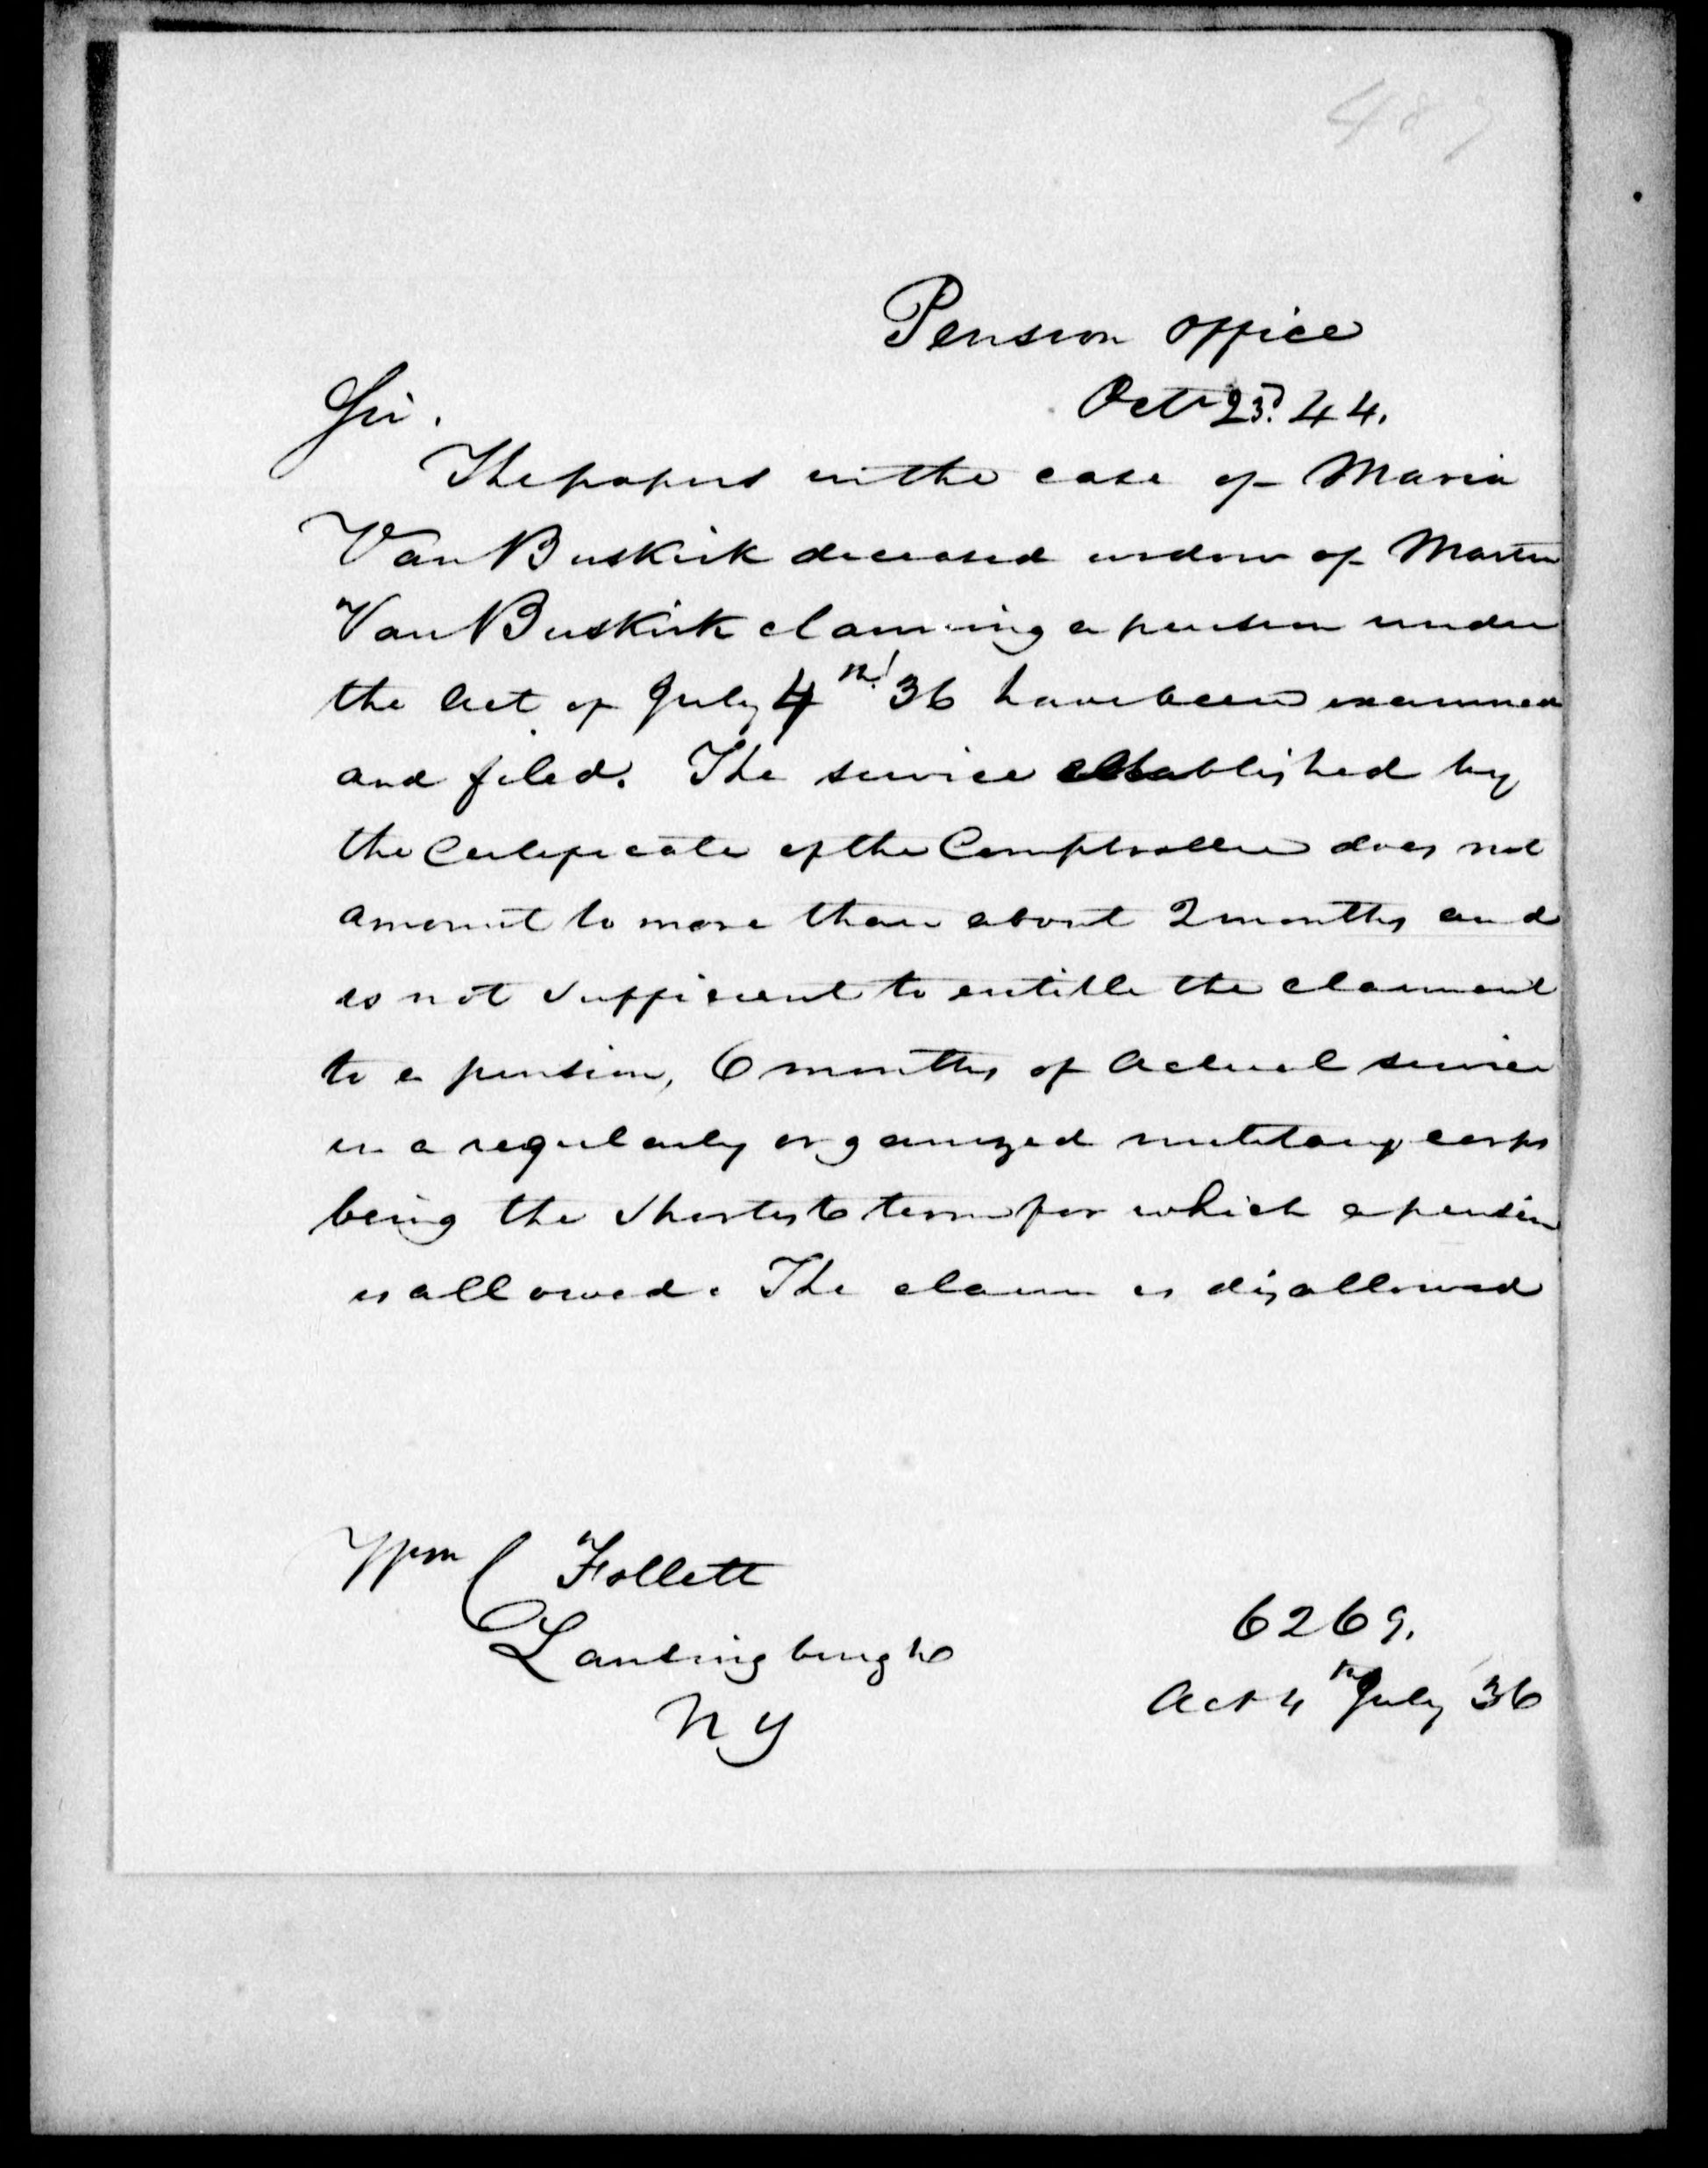487

Pension Office
Oct 23d 44.

Sir,
The papers in the case of Maria Van Buskirk deceased widow of Martin Van Buskirk claiming a pension under the act of July 4th 36 have been named and filed. The service established by the certificate of the Comptroller does not amount to more than about 2 months and is not sufficient to entitle the claimant to a pension, 6 months of actual service in a regularly organized military corps 
being the shortest term for which a pension is allowed. The claim is disallowed

Wm Follett [signature]
Lansingburgh
NY

6269.
Act 4th July 36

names: Martin Van Buskirk, Wm C Follett, Maria Van Buskirk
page: 50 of 70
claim: rejected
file: R. 10,832, Martin Van Buskirk, New York.